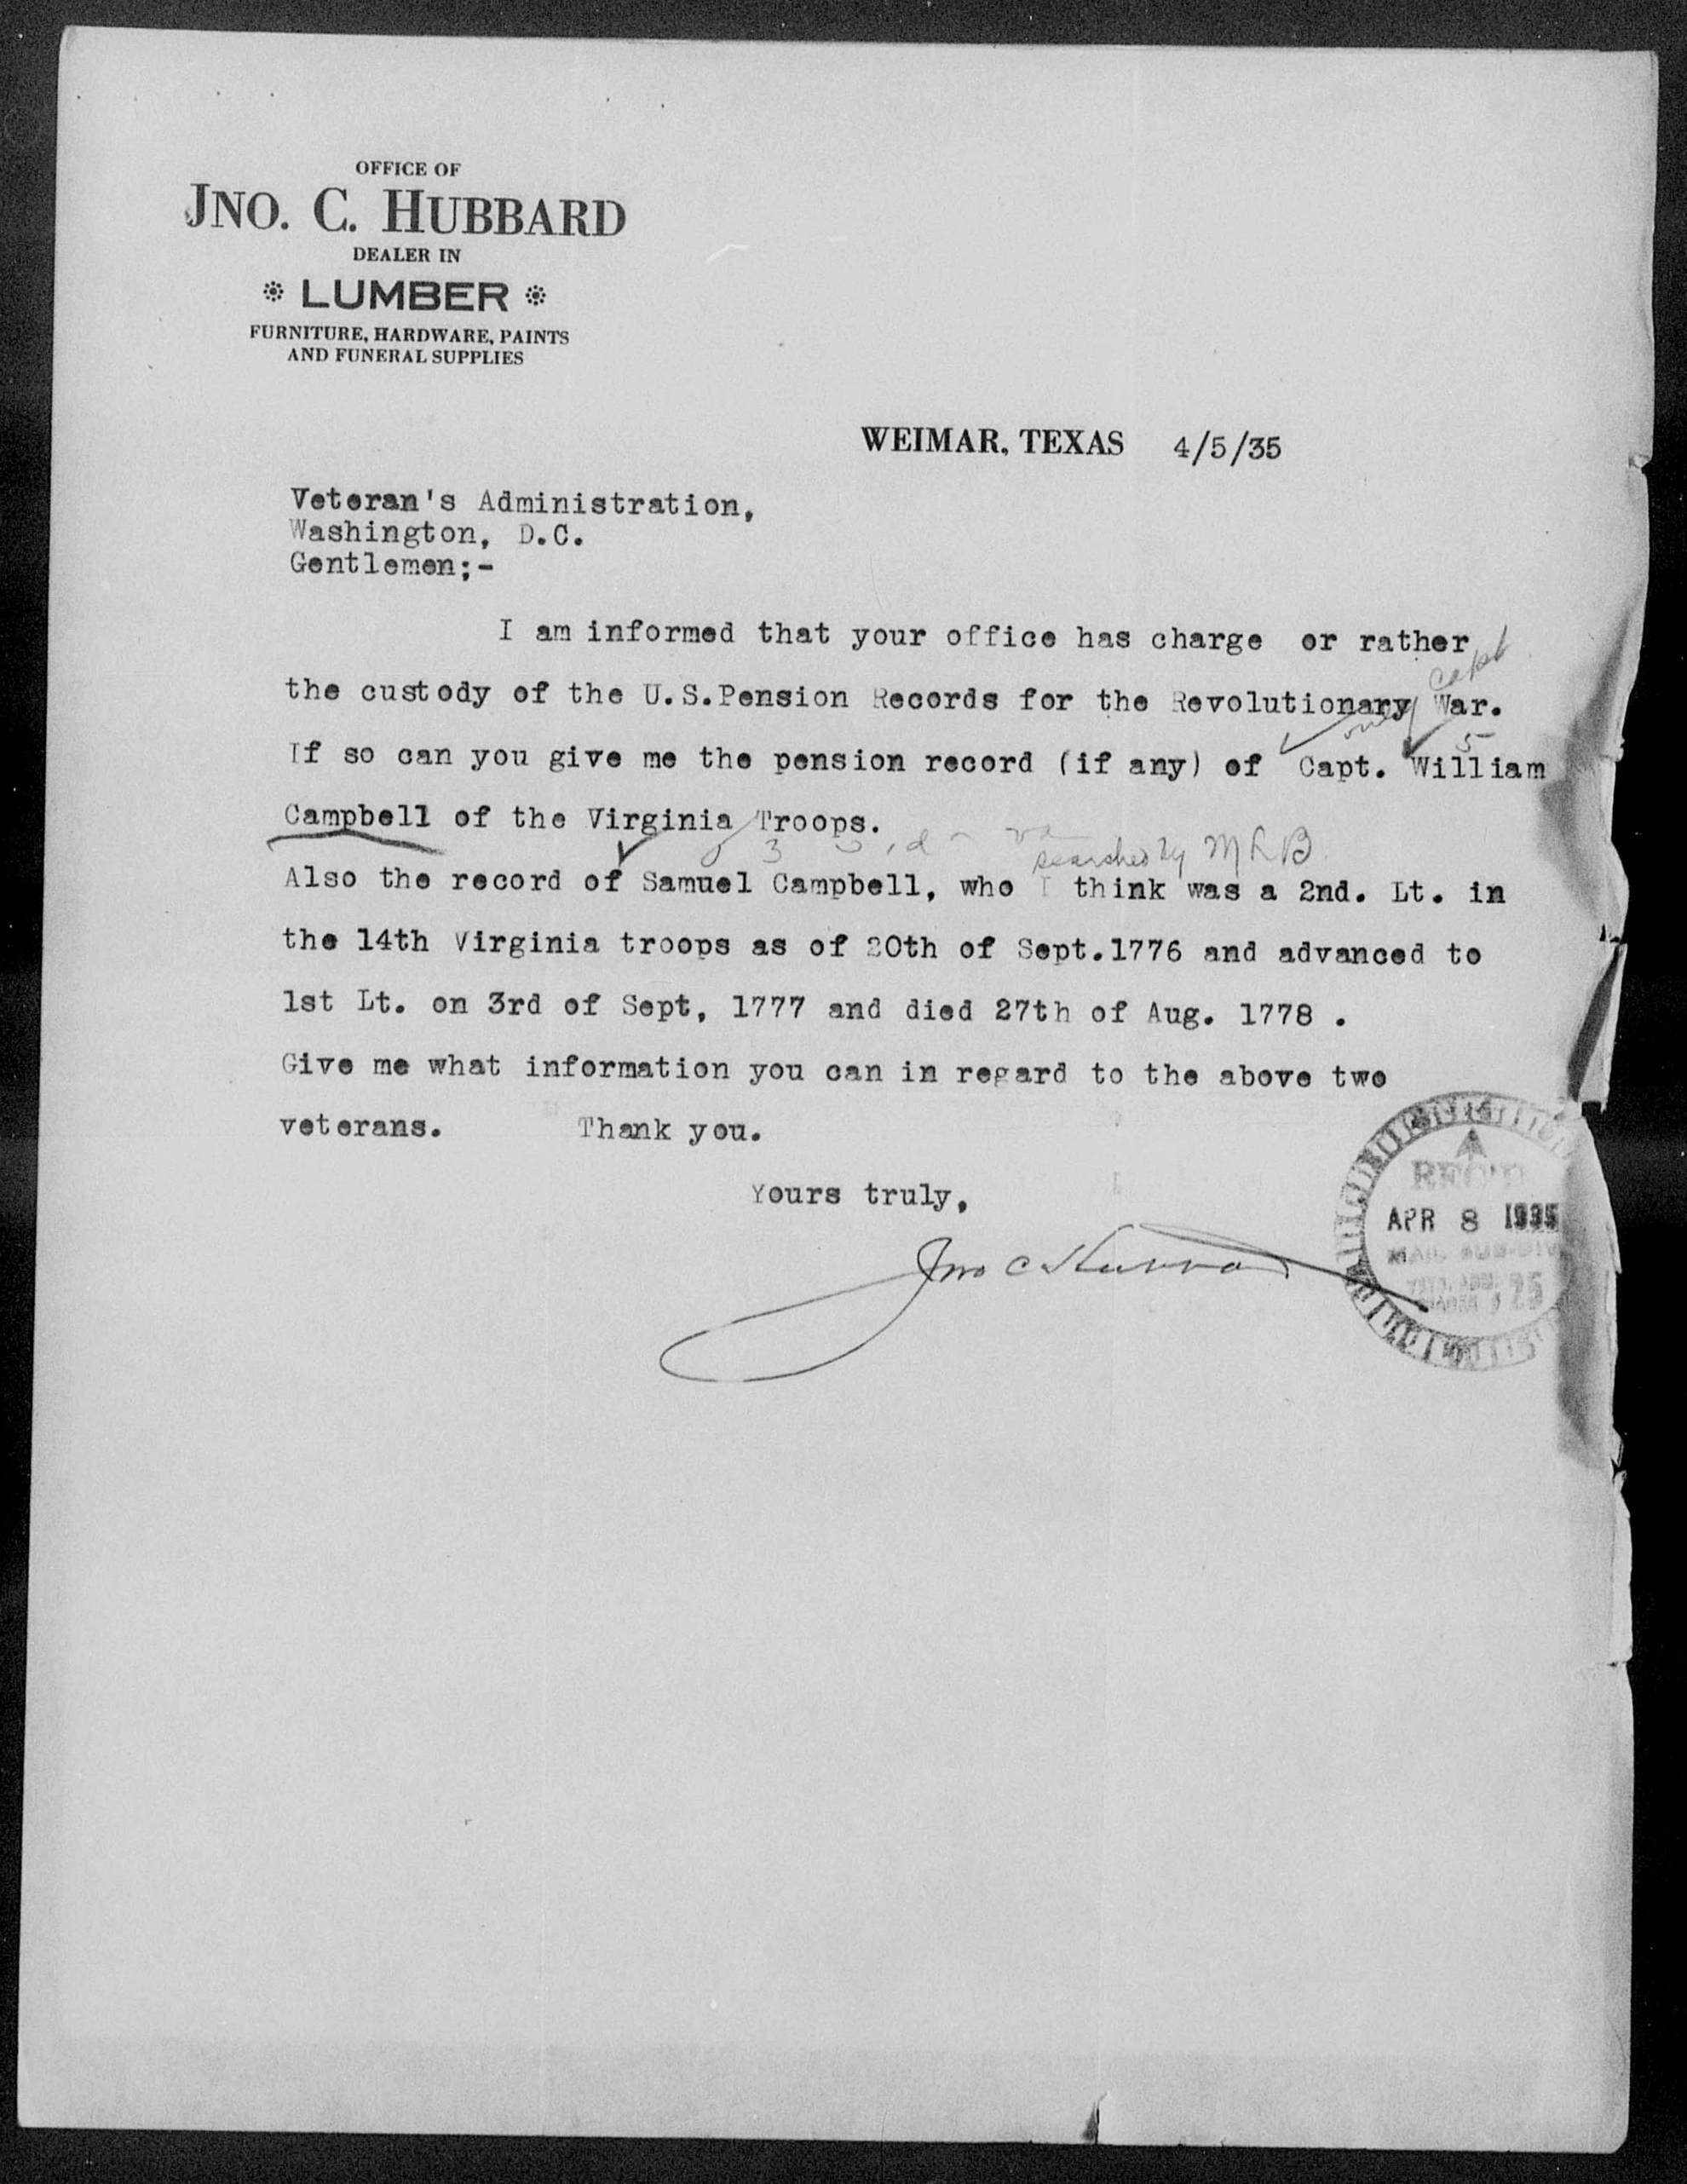[header]
OFFICE OF
JNO. C. HUBBARD
DEALER IN
LUMBER
FURNITURE, HARDWARE, PAINTS
AND FUNERAL SUPPLIES
WEIMAR, TEXAS

[typed body]
4/5/35
Veteran's Administration,
Washington, D.C.
Gentlemen;-
I am informed that your office has charge or rather the custody of the U.S.Pension Records for the Revolutionary War. If so can you give me the pension record (if any) [penciled note: Only Capt] of Capt. William Campbell of the Virginia Troops.
Also the record of Samuel [pencil: 3 Va searched by MRB] Campbell, who I think was a 2nd. Lt. in the 14th Virginia troops of 20th of Sept.1776 and advanced to 1st Lt. on 3rd of Sept, 1777 and died 27th of Aug. 1778.
Give me what information you can in regard to the above two veterans. Thank you.
Yours truly,
[signed] Jno C Hubbard

[stamp]
REC'D
APR 8 1935
MAIL SUB-DIV
VETS. ADM.
READER # 25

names: William Campbell, Samuel Campbell, Jno C Hubbard, Jno C Hubbard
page: 158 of 267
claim: widow's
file: W. 4,149, William Campbell, Va.